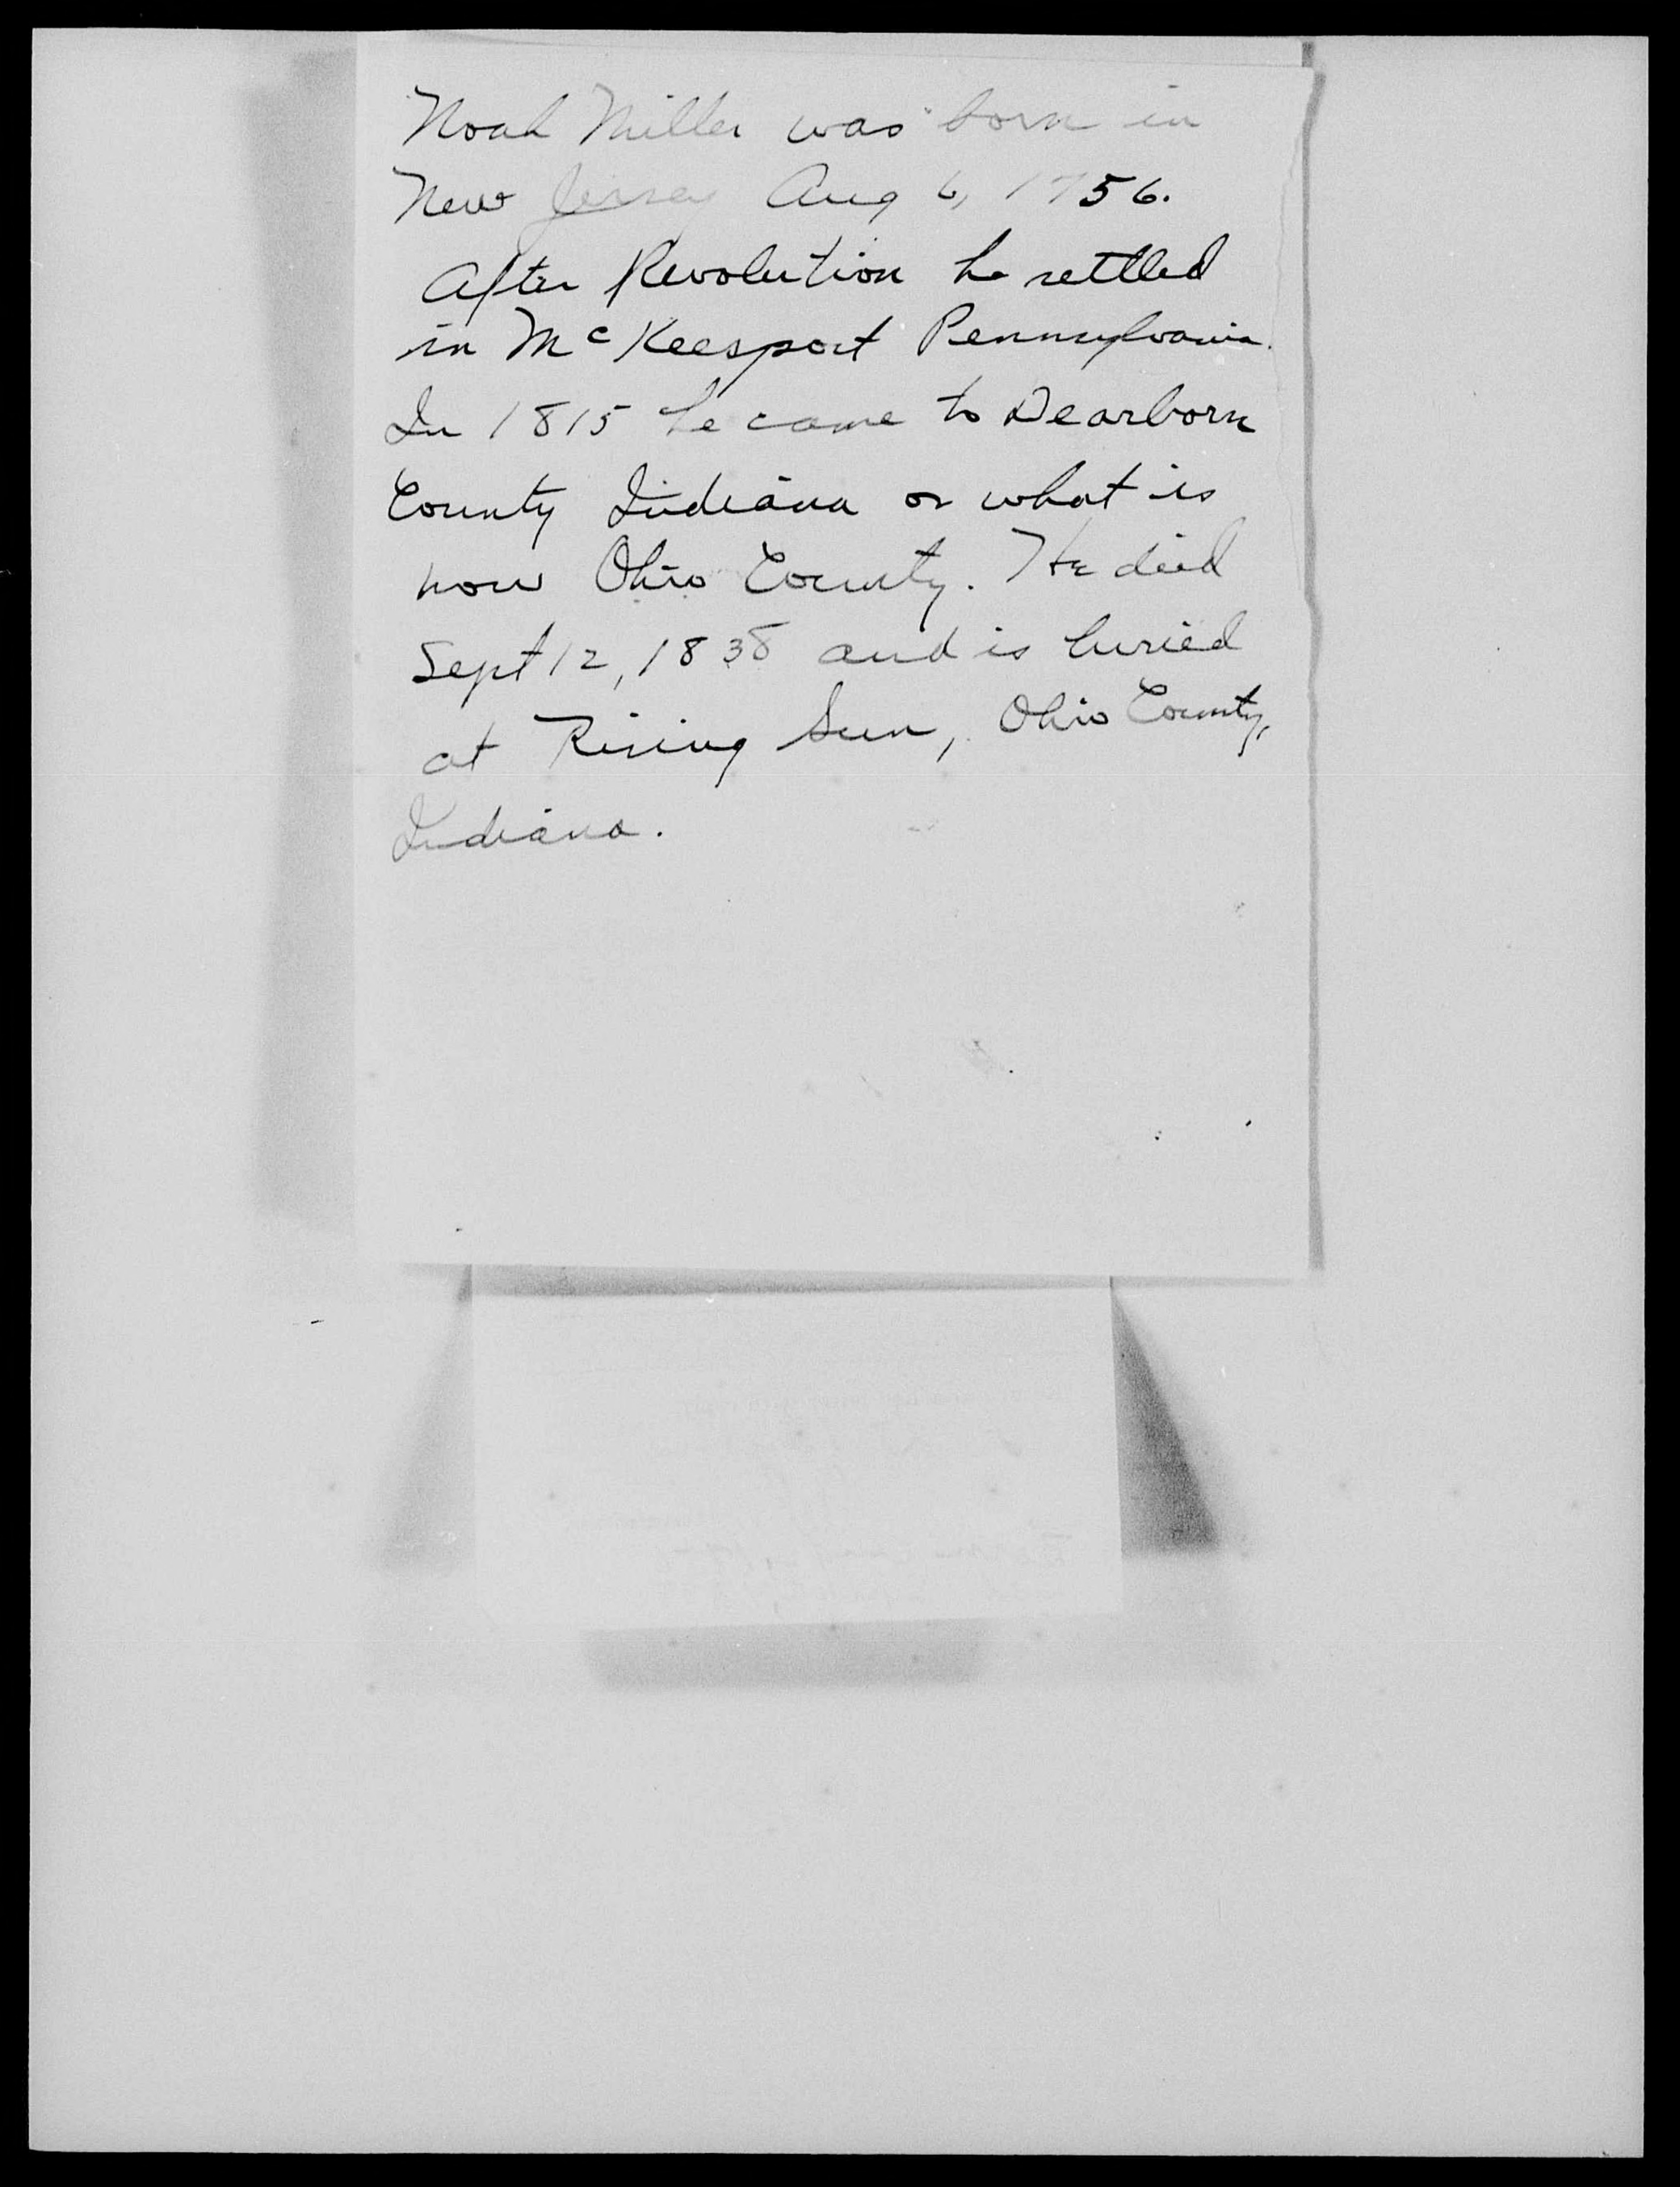Noah Miller was born in New Jersey aug 6, 1756.  After Revolution he settled in McKeesport Pennsylvania.  In 1815 he came to Dearborn County Indiana or what is now Ohio County.  He died Sept 12, 1838 and is buried at Rising Sun, Ohio County Indiana.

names: Noah Miller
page: 15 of 20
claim: survivor's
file: S. 36129, for Noah Miller, New Jersey